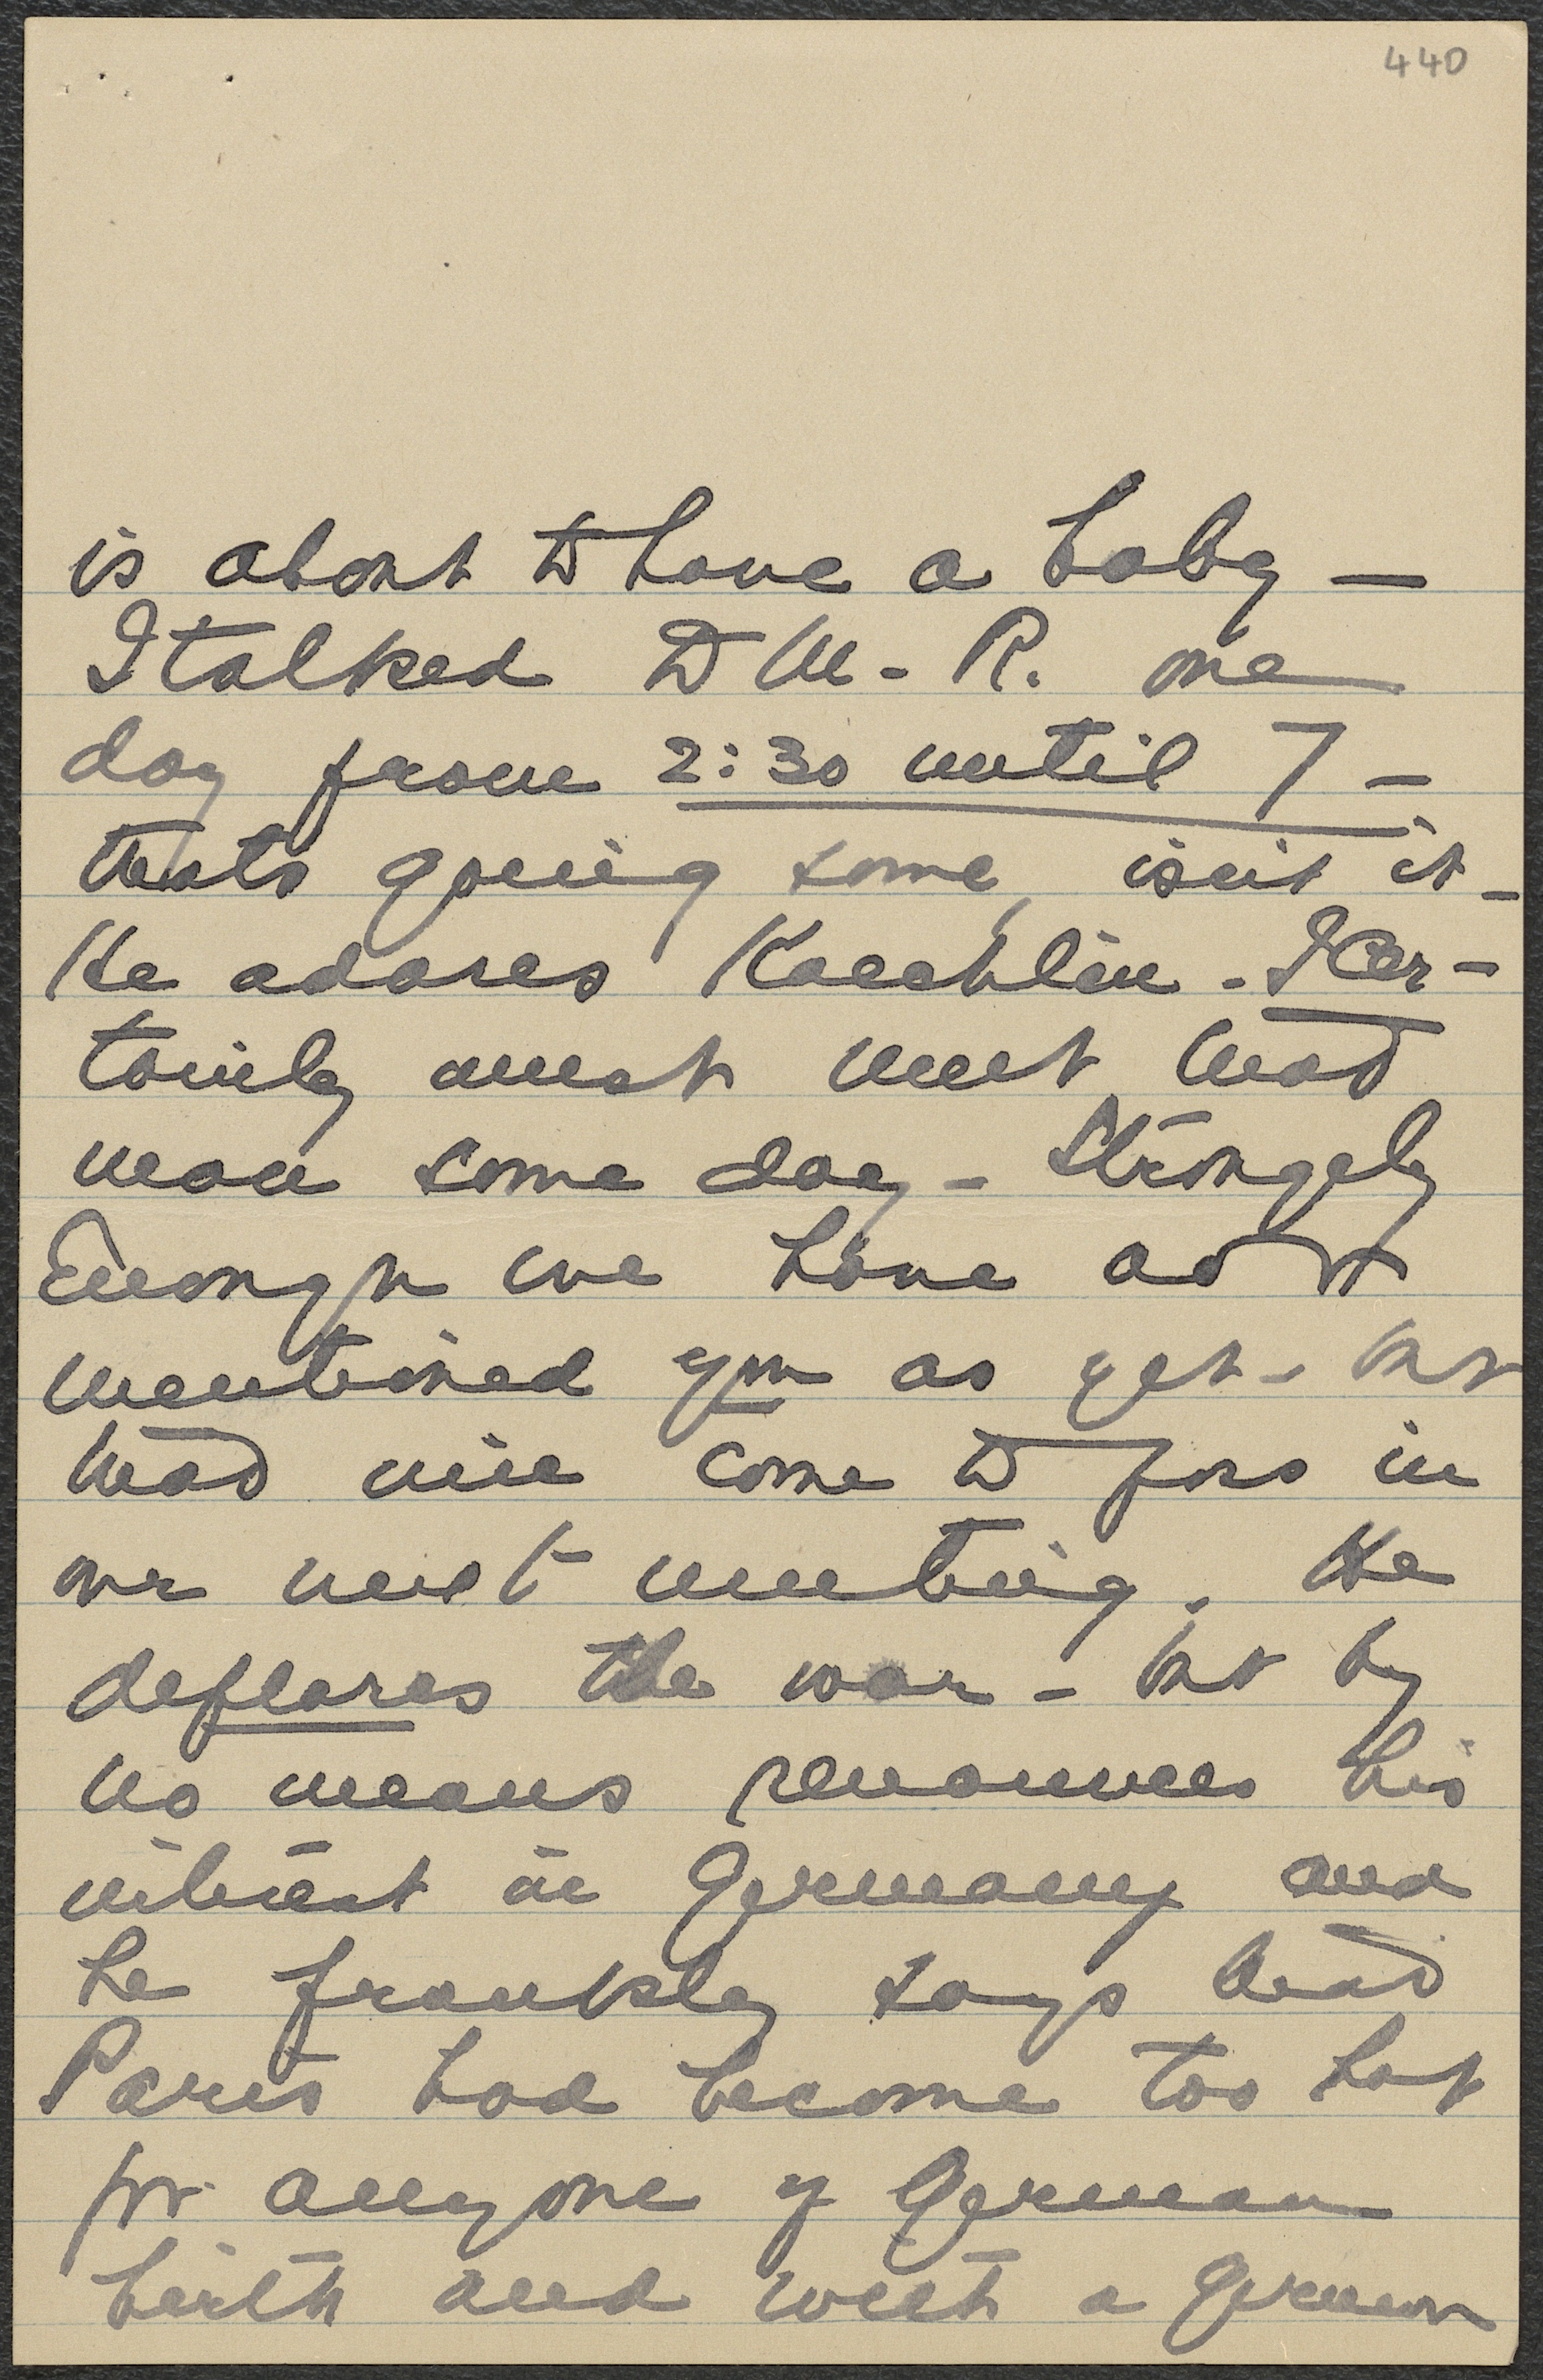is about to have a baby – I talked to M. R. one day from 2:30 until 7 – thats going some isn’t it – He adores Koechlin. I certainly must meet that man some day – strangely enough we have not mentioned you as yet – but that will come to pass in our next meeting. He deplores the war – but by no means renounces his interest in Germany and he frankly says that Paris has become too hot for anyone of German birth and with a German